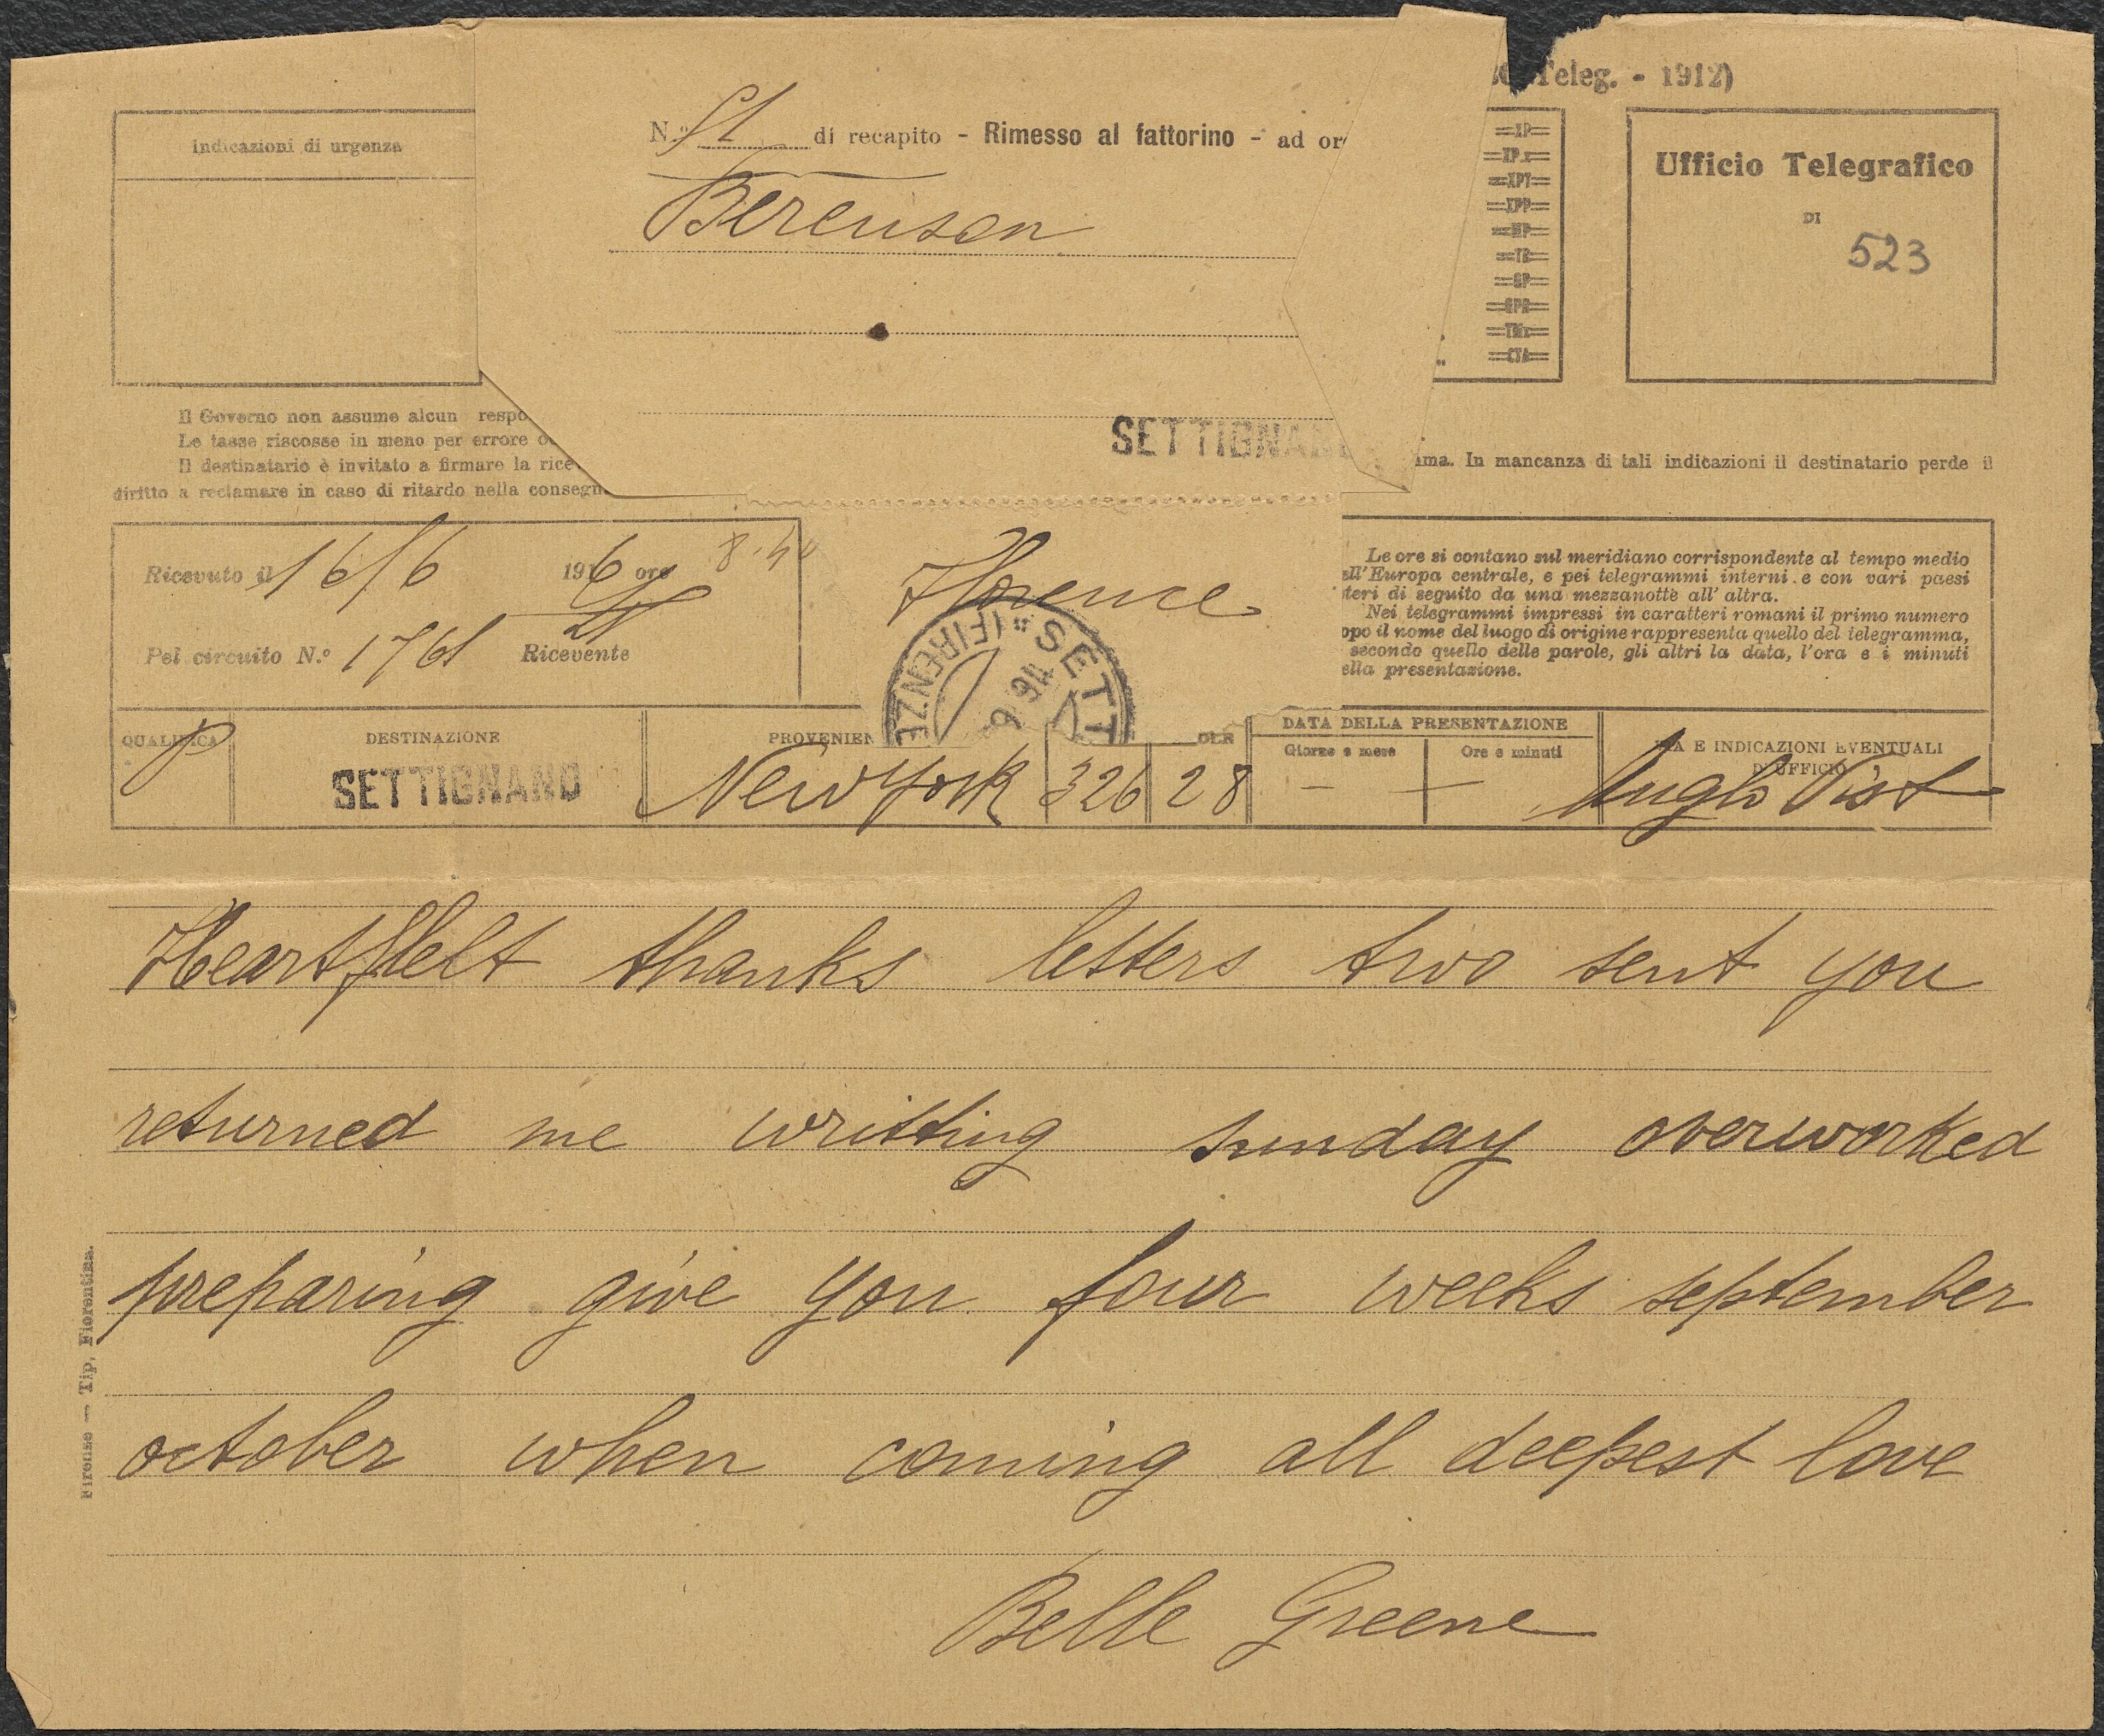Heartfelt thanks letters two sent you returned me writing Sunday overworked preparing give you four weeks september october when coming all deepest love
Belle Greene